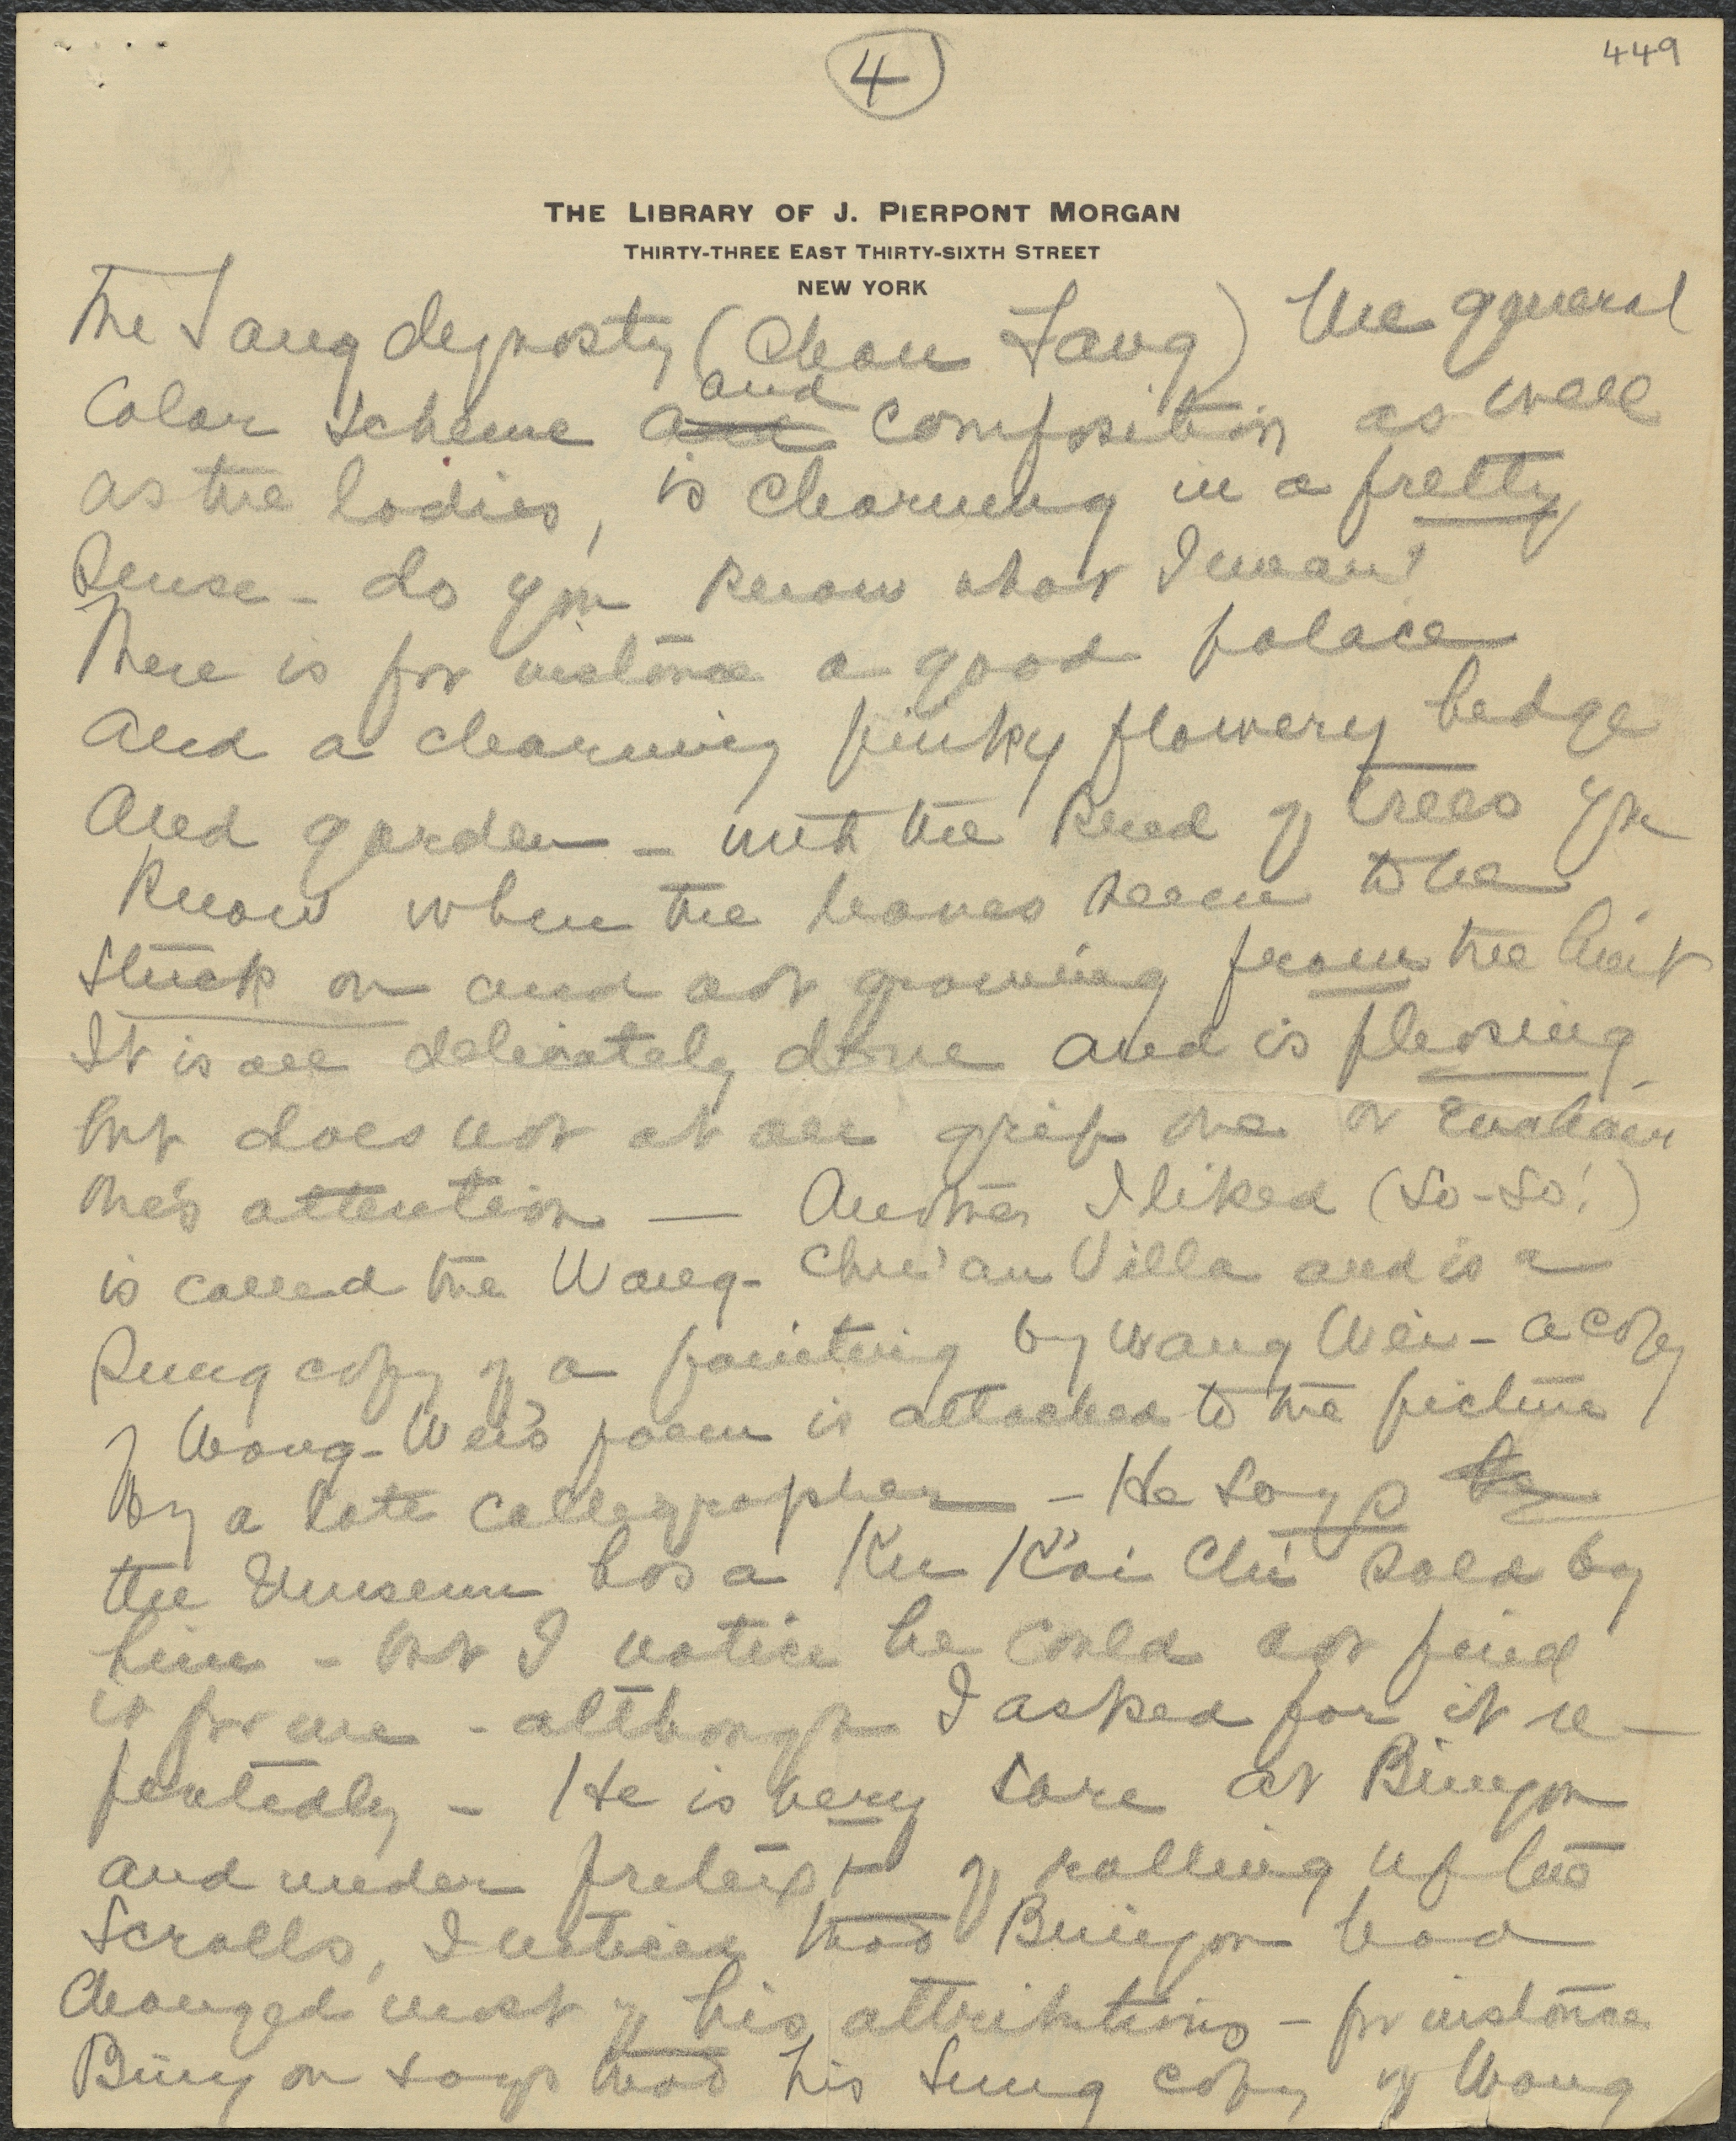the Song dynasty (Chan Fang) the general color scheme and and composition as well as the ladies, is charming in a pretty sense – do you know what I mean? There is for instance a good palace and a charming pinky flowery hedge and garden – with the kind of trees you know where the leaves seem to be stuck on and not growing from the limb it is all delicately done and is pleasing but does not at all grip one or enchain one’s attention – another I liked (so-so!) is called the Wang-Chu’an Villa and is a Sung copy of a painting by Wang Wei – a copy of Wang-Wei’s poem is attached to the picture by a late calligrapher – He says he the museum has a Ku K’ai Chi sold by him – but I notice he could not find it for me – although I asked for it repeatedly – He is very sore at Binyon and under pretext of rolling up the scrolls, I noticed that Binyon had changed most of his attributions – for instance Binyon says that his Sung copy by Wang